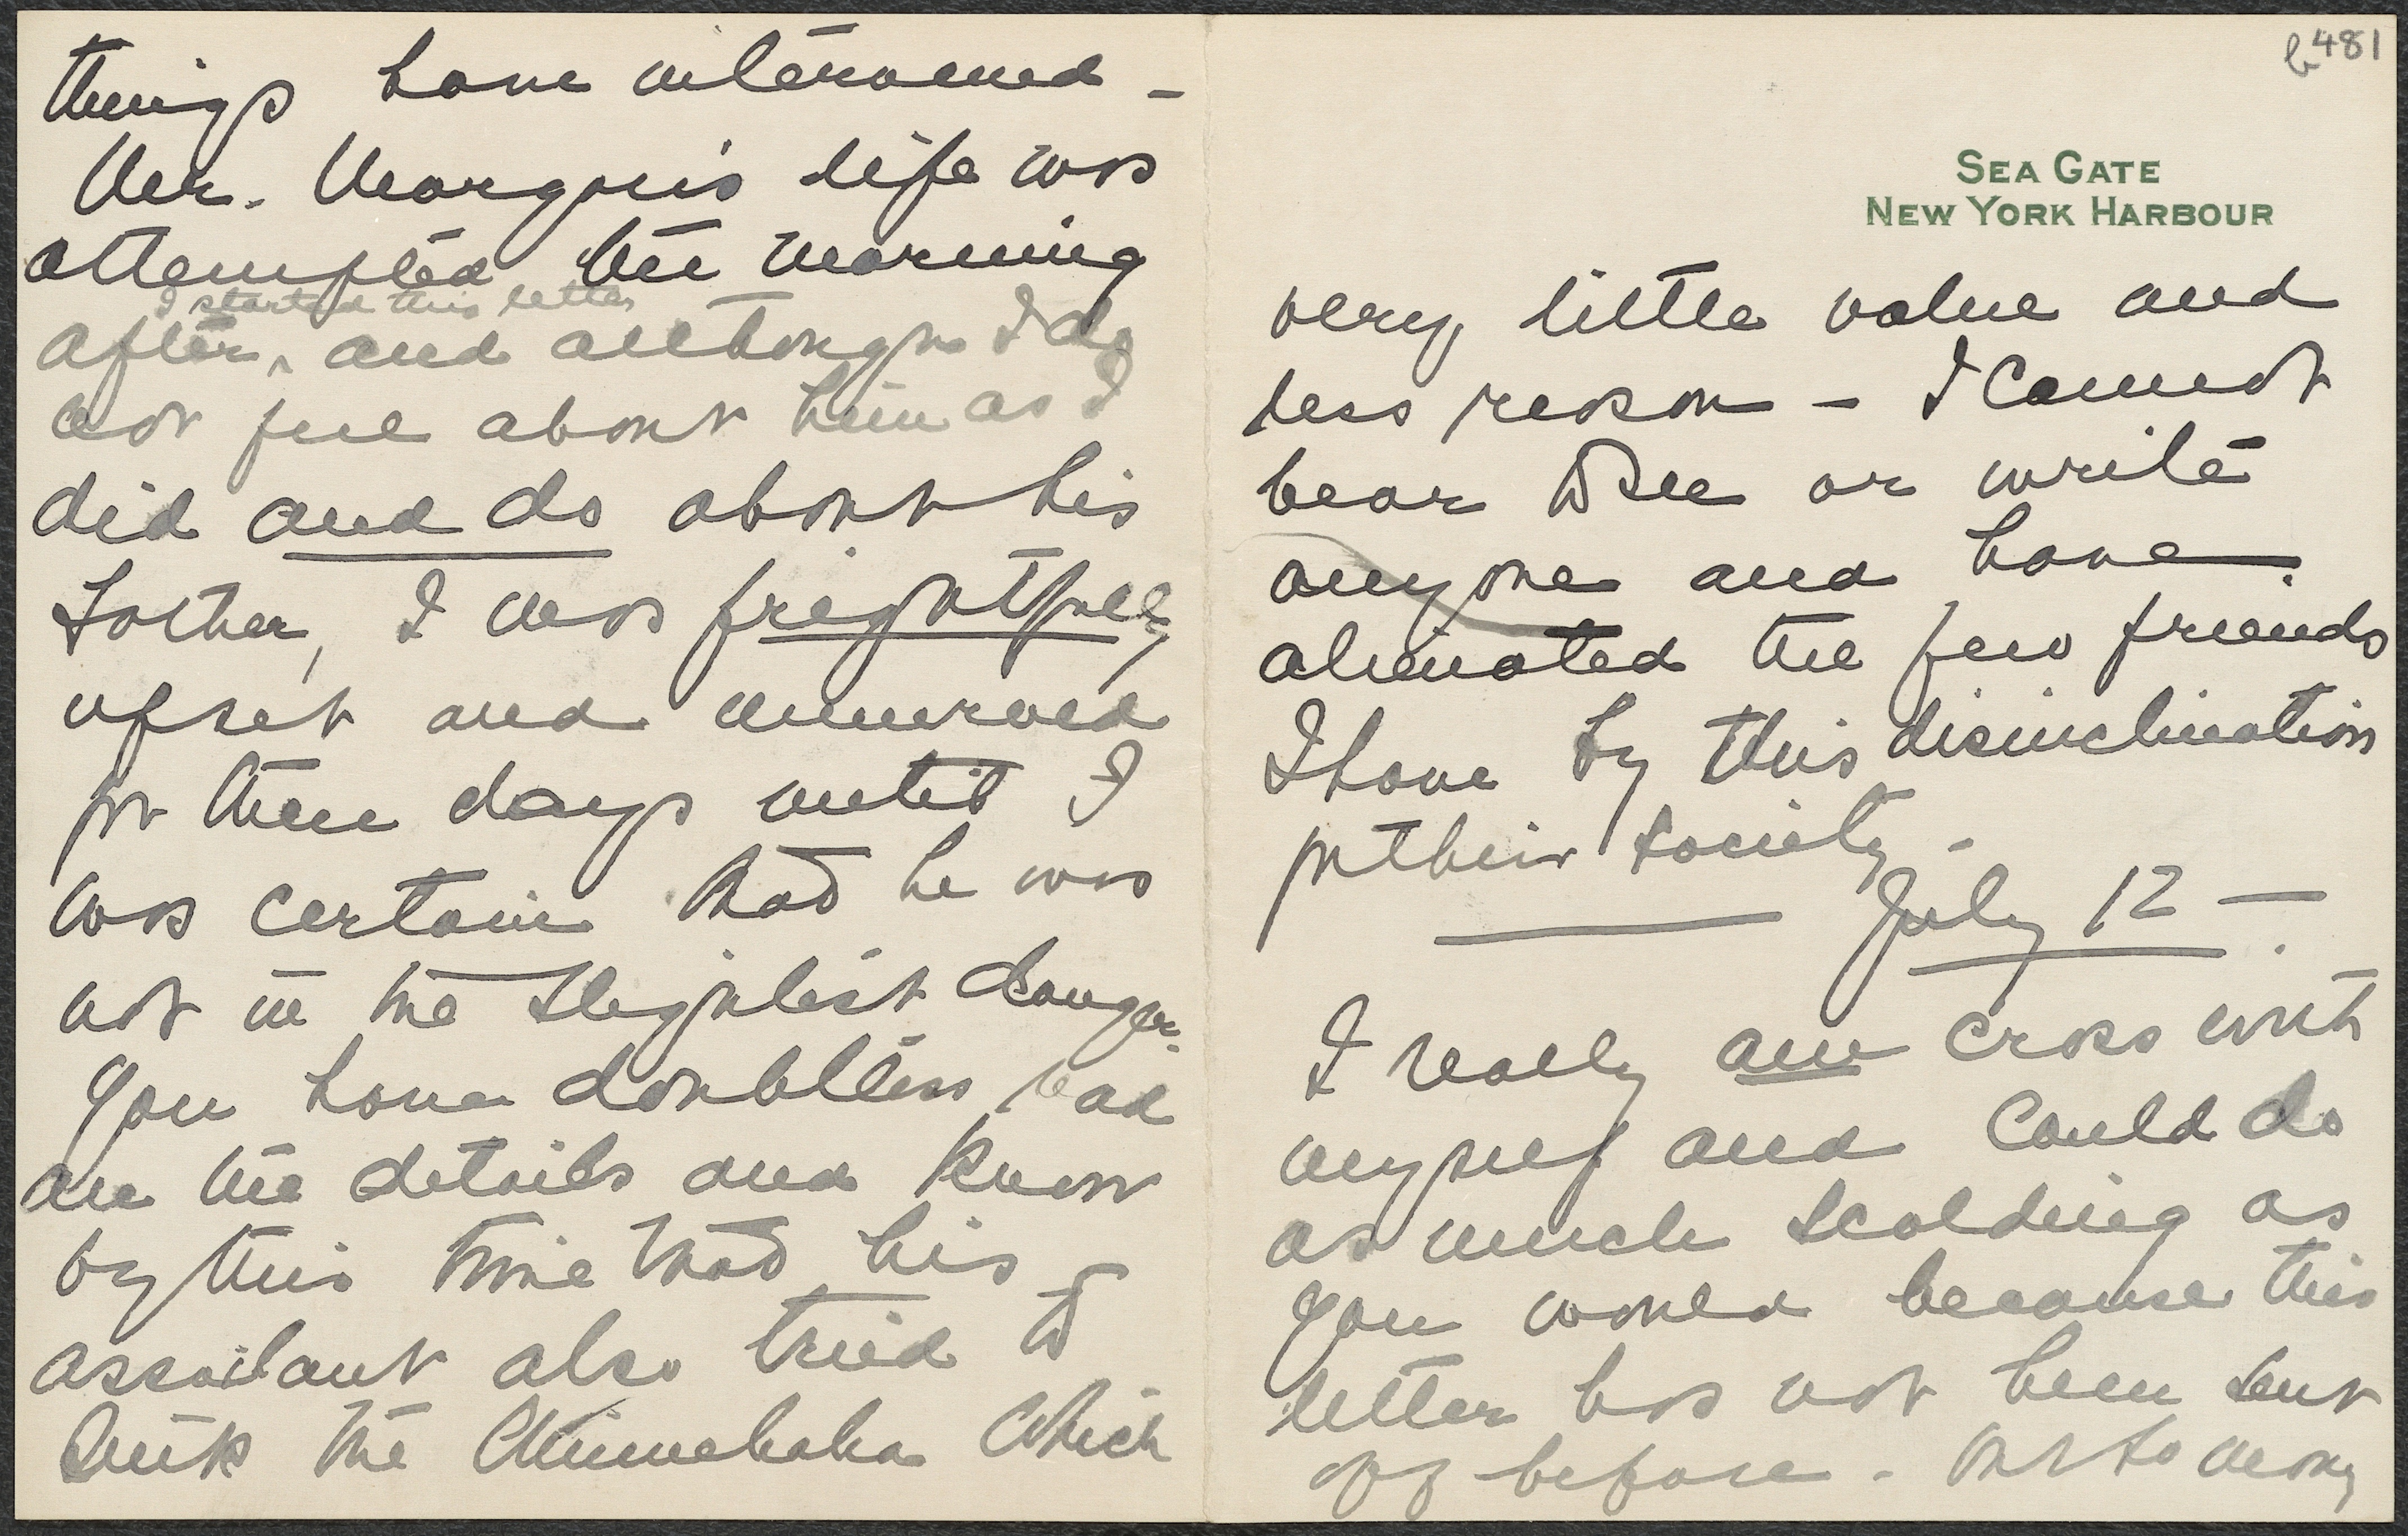very little value and less reason – I cannot bear to see or write anyone and have alienated the few friends I have by this disinclination for their society.
[line inserted]
July 12 –
I really am cross with myself and could do as much scolding as you would because this letter has not been sent off before – but so many
things have intervened – Mr. Morgan’s life was attempted the morning after [inserted: I started this letter] and although I do not feel about him as I did and do about his Father, I was frightfully upset and unnerved for three days until I was certain that he was not in the slightest danger. You have doubtless read all the details and know by this time that his assistant also tried to sink the Minnehaha which